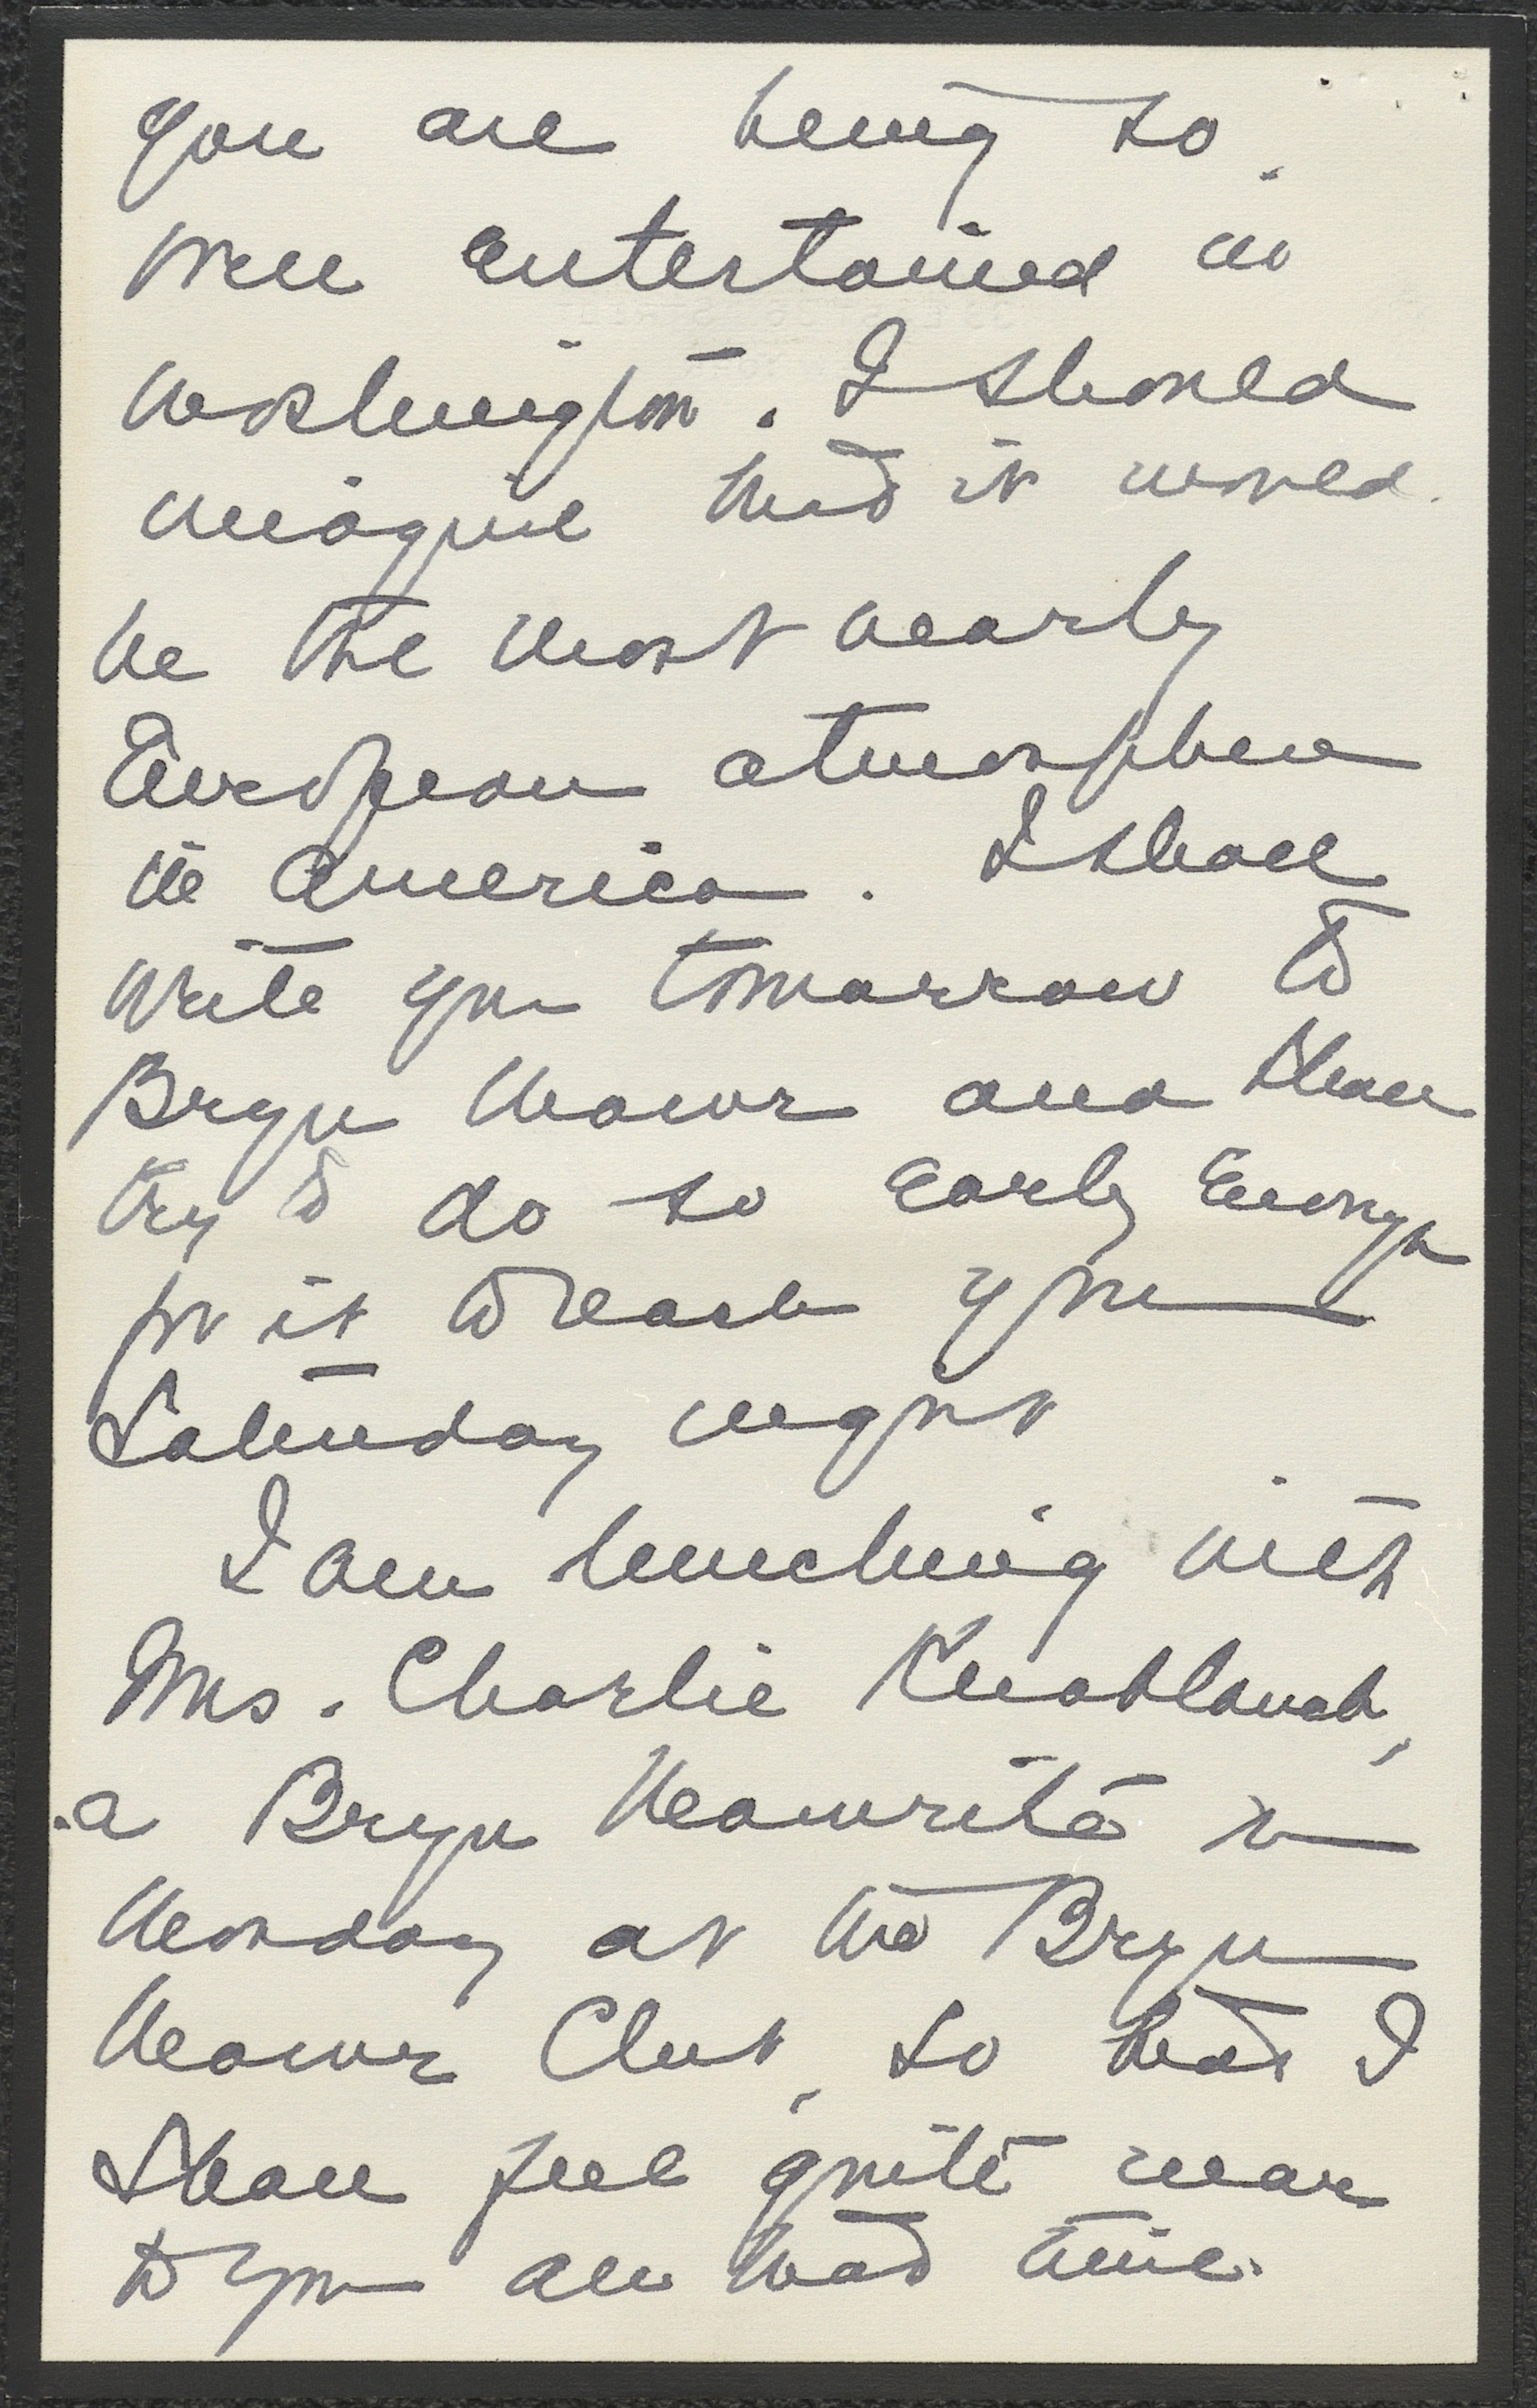you are being so well entertained in Washington. I should imagine that it would be the most nearly European atmosphere in America. I shall write you tomorrow to Bryn Mawr and shall try to do so early enough for it to reach you Saturday night
I am lunching with Mrs. Charlie Knoblauch, a Bryn Mawrite [sic] on Monday at the Bryn Mawr Club, so that I shall feel quite near to you all that time.